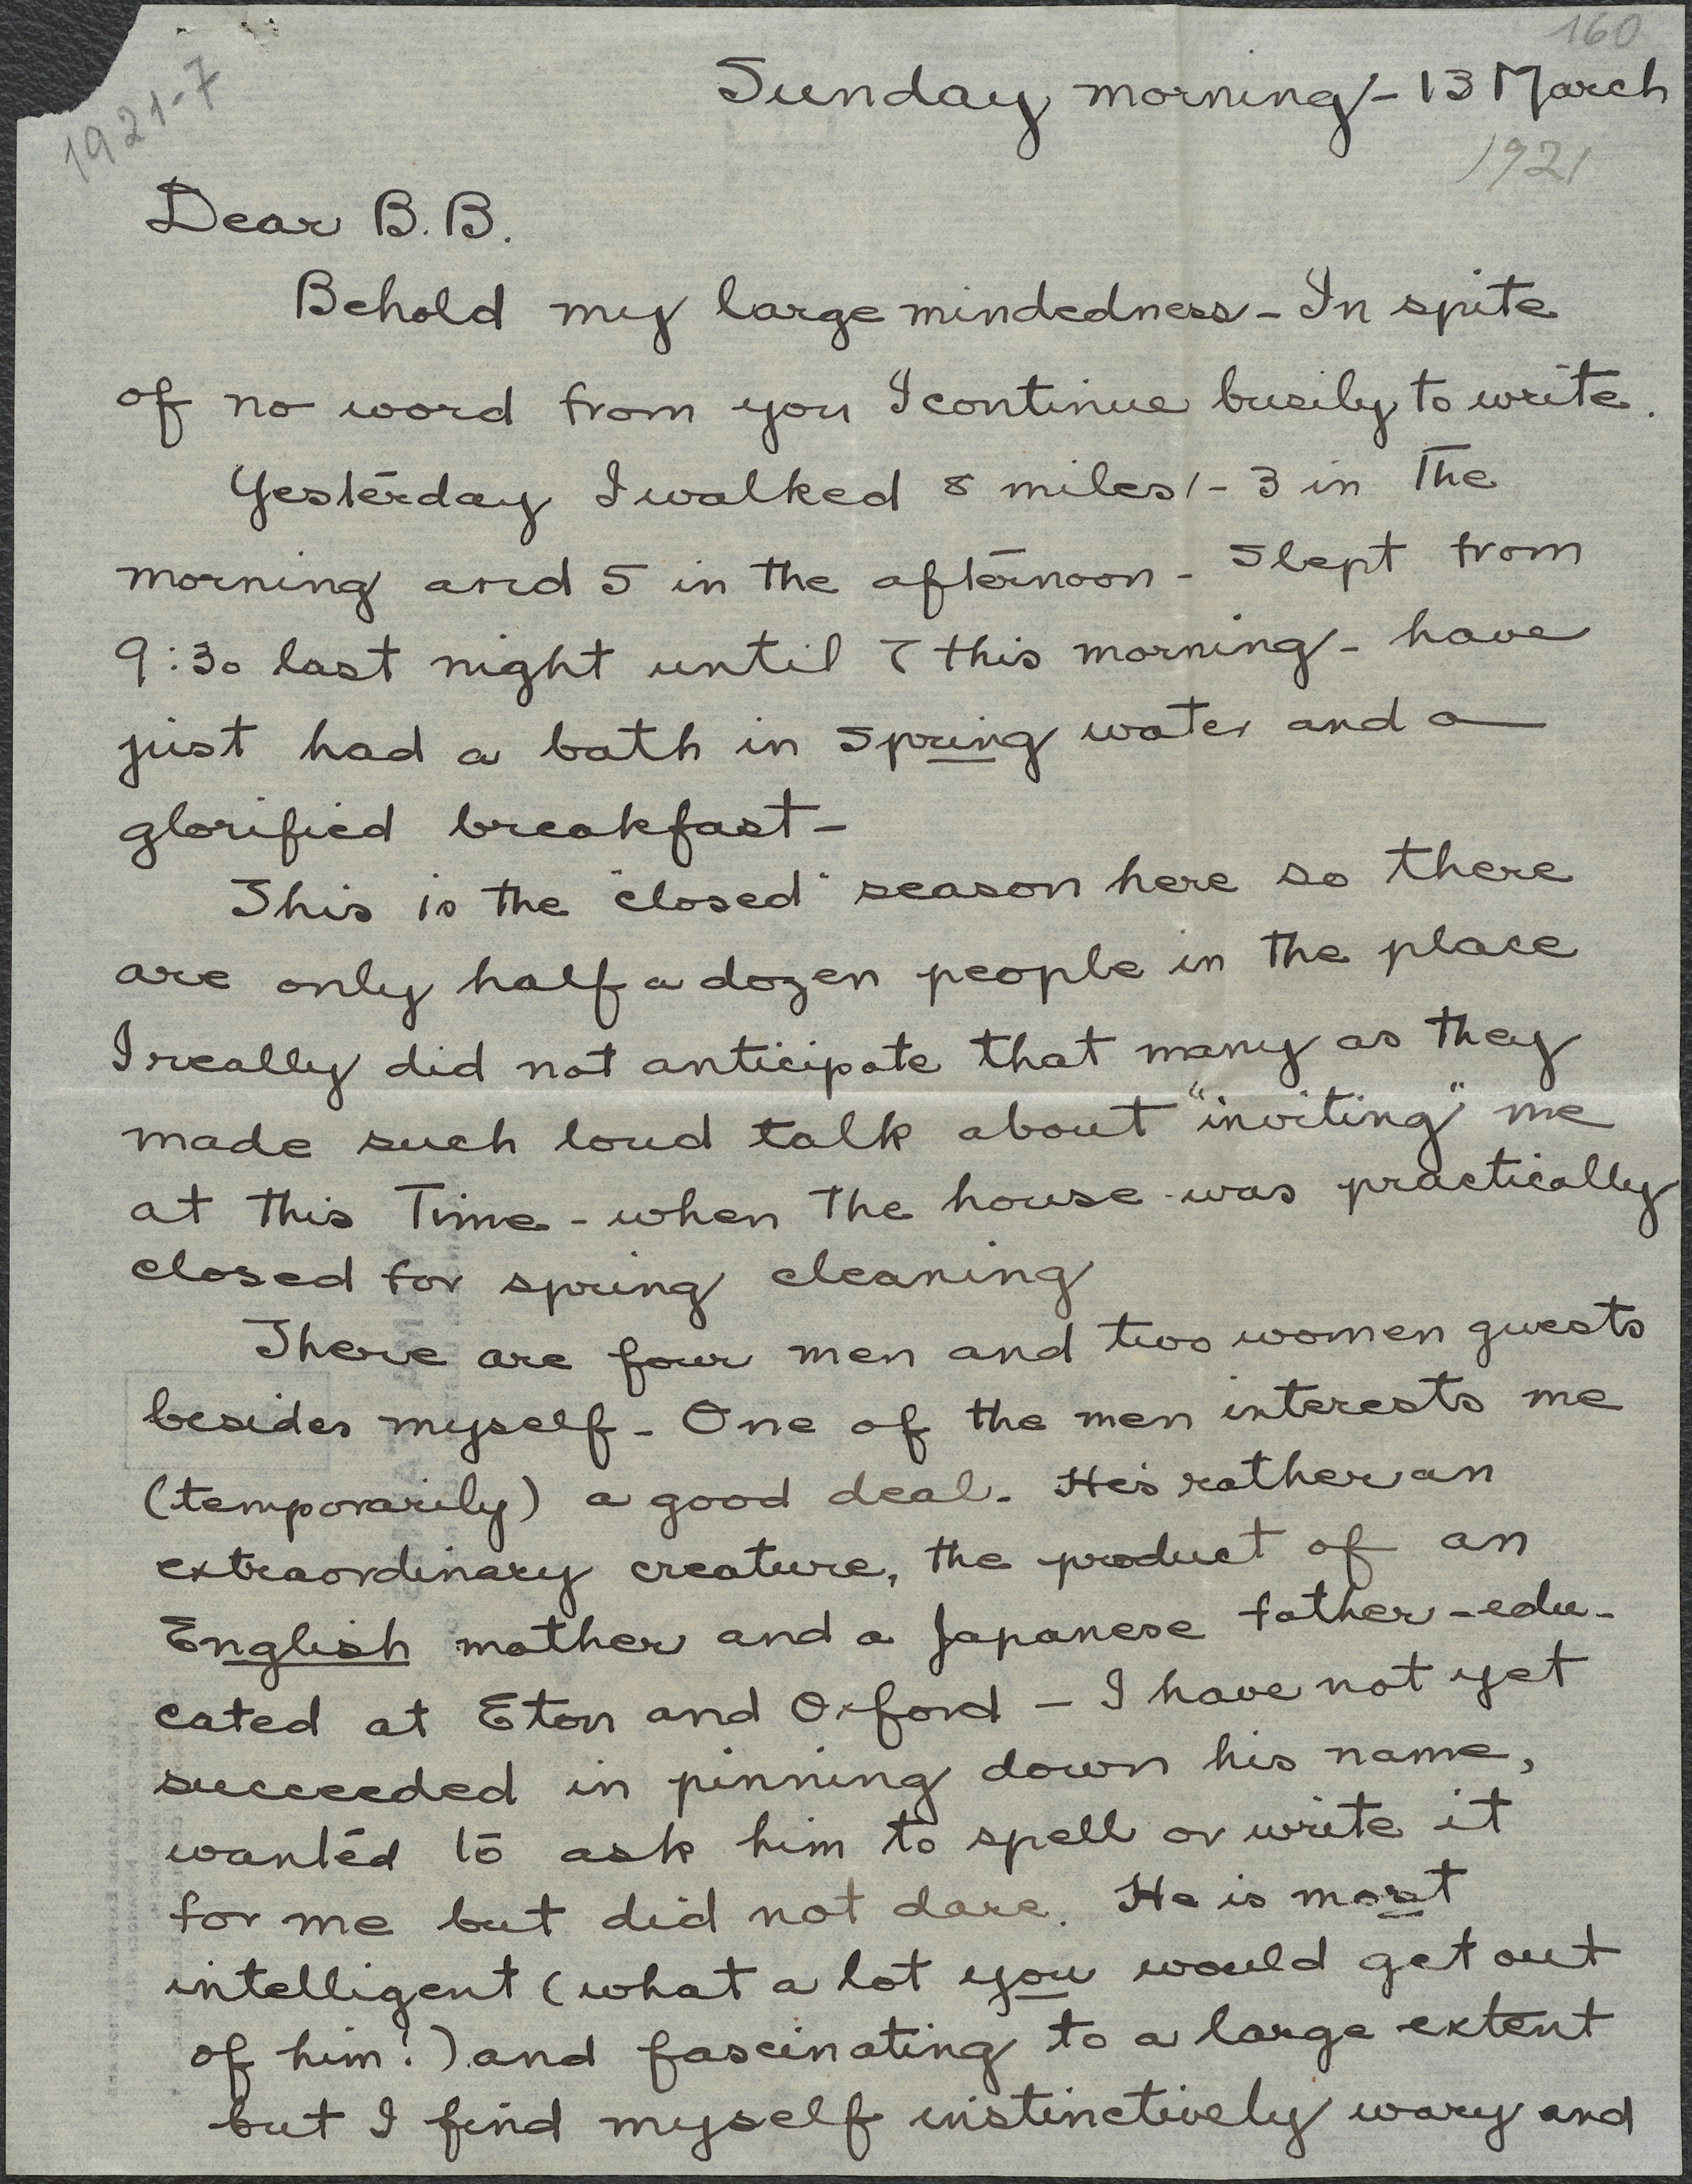Sunday morning – 13 March
Dear B.B.
Behold my large mindedness – In spite of no word from you I continue busily to write.
Yesterday I walked 8 miles – 3 in the morning and 5 in the afternoon – Slept from 9:30 last night until 7 this morning – have just had a bath in spring water and a glorified breakfast –
This is the "closed" season here so there are only half a dozen people in the place I really did not anticipate that many as they made such loud talk about "inviting" me at this time – when the house was practically closed for spring cleaning
There are four men and two women guests besides myself – One of the men interests me (temporarily) a good deal. He's rather an extraordinary creature, the product of an English mother and a Japanese father – educated at Eton and Oxford – I have not yet succeeded in pinning down his name, wanted to ask him to spell or write it for me but did not dare. He is most intelligent (what a lot you would get out of him!) and fascinating to a large extent but I find myself instinctively wary and